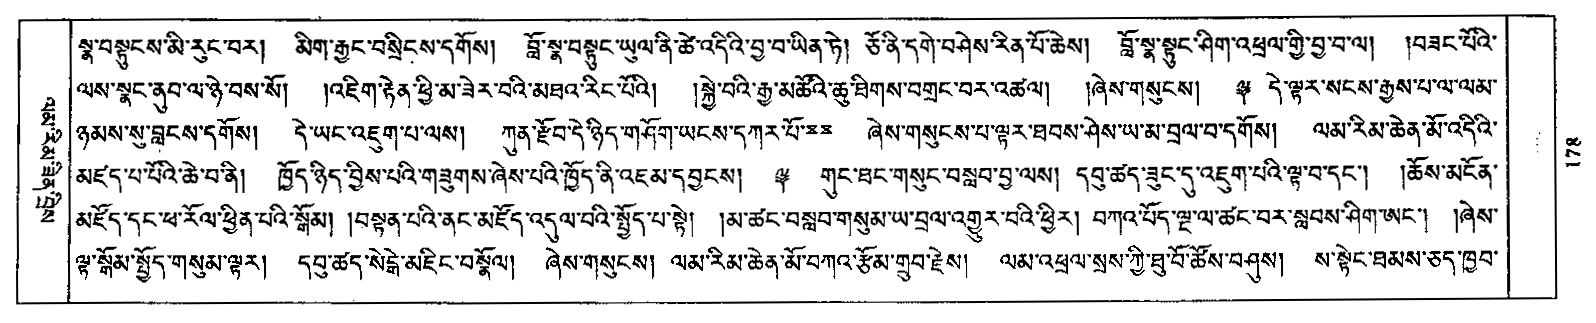སྣ་བསྟུངས་མི་རུང་བར། མིག་རྒྱང་བསྲིངས་དགོས། བློ་སྣ་བསྟུང་ཡུལ་ནི་ཚེ་འདིའི་བྱ་བ་ཡིན་ཏེ། ཅོ་ནི་དགེ་བཤེས་རིན་པོ་ཆེས། བློ་སྣ་སྟུང་ཤིག་འཕྲལ་གྱི་བྱ་བ་ལ། །བཟང་པོའི་
ལས་སྣང་ནུབ་ལ་ཉེ་བས་སོ། །འཇིག་རྟེན་ཕྱི་མ་ཟེར་བའི་མཐའ་རིང་པོའི། །སྐྱེ་བའི་རྒྱ་མཚོའི་ཆུ་ཐིགས་བགྲང་བར་འཚལ། །ཞེས་གསུངས། ༈ དེ་ལྟར་སངས་རྒྱས་པ་ལ་ལམ་
ཉམས་སུ་བླངས་དགོས། དེ་ཡང་འཇུག་པ་ལས། ཀུན་རྫོབ་དེ་ཉིད་གཤོག་ཡངས་དཀར་པོ་྾་྾་ཞེས་གསུངས་པ་ལྟར་ཐབས་ཤེས་ཡ་མ་བྲལ་བ་དགོས། ལམ་རིམ་ཆེན་མོ་འདིའི་
མཛད་པ་པོའི་ཆེ་བ་ནི། ཁྱོད་ཉིད་བྱིས་པའི་གཟུགས་ཞེས་པའི་ཁྱོད་ནི་འཇམ་དབྱངས། ༈ གུང་ཐང་གསུང་བསླབ་བྱ་ལས། དབུ་ཚད་ཟུང་དུ་འཇུག་པའི་ལྟ་བ་དང་། །ཆོས་མངོན་
མཛོད་དང་ཕ་རོལ་ཕྱིན་པའི་སྒོམ། །བསྟན་པའི་ནང་མཛོད་འདུལ་བའི་སྤྱོད་པ་སྟེ། །མ་ཚང་བསླབ་གསུམ་ཡ་བྲལ་འགྱུར་བའི་ཕྱིར། བཀའ་པོད་ལྔ་ལ་ཚང་བར་སླབས་ཤིག་ཨང་། །ཞེས་
ལྟ་སྒོམ་སྤྱོད་གསུམ་ལྟར། དབུ་ཚད་སེངྒེ་མཇིང་བསྣོལ། ཞེས་གསུངས། ལམ་རིམ་ཆེན་མོ་བཀའ་རྩོམ་གྲུབ་རྗེས། ལམ་འཕྲལ་སྲས་ཀྱི་ཐུ་བོ་ཚོས་བཤུས། ས་སྟེང་ཐམས་ཅད་ཁྱབ་